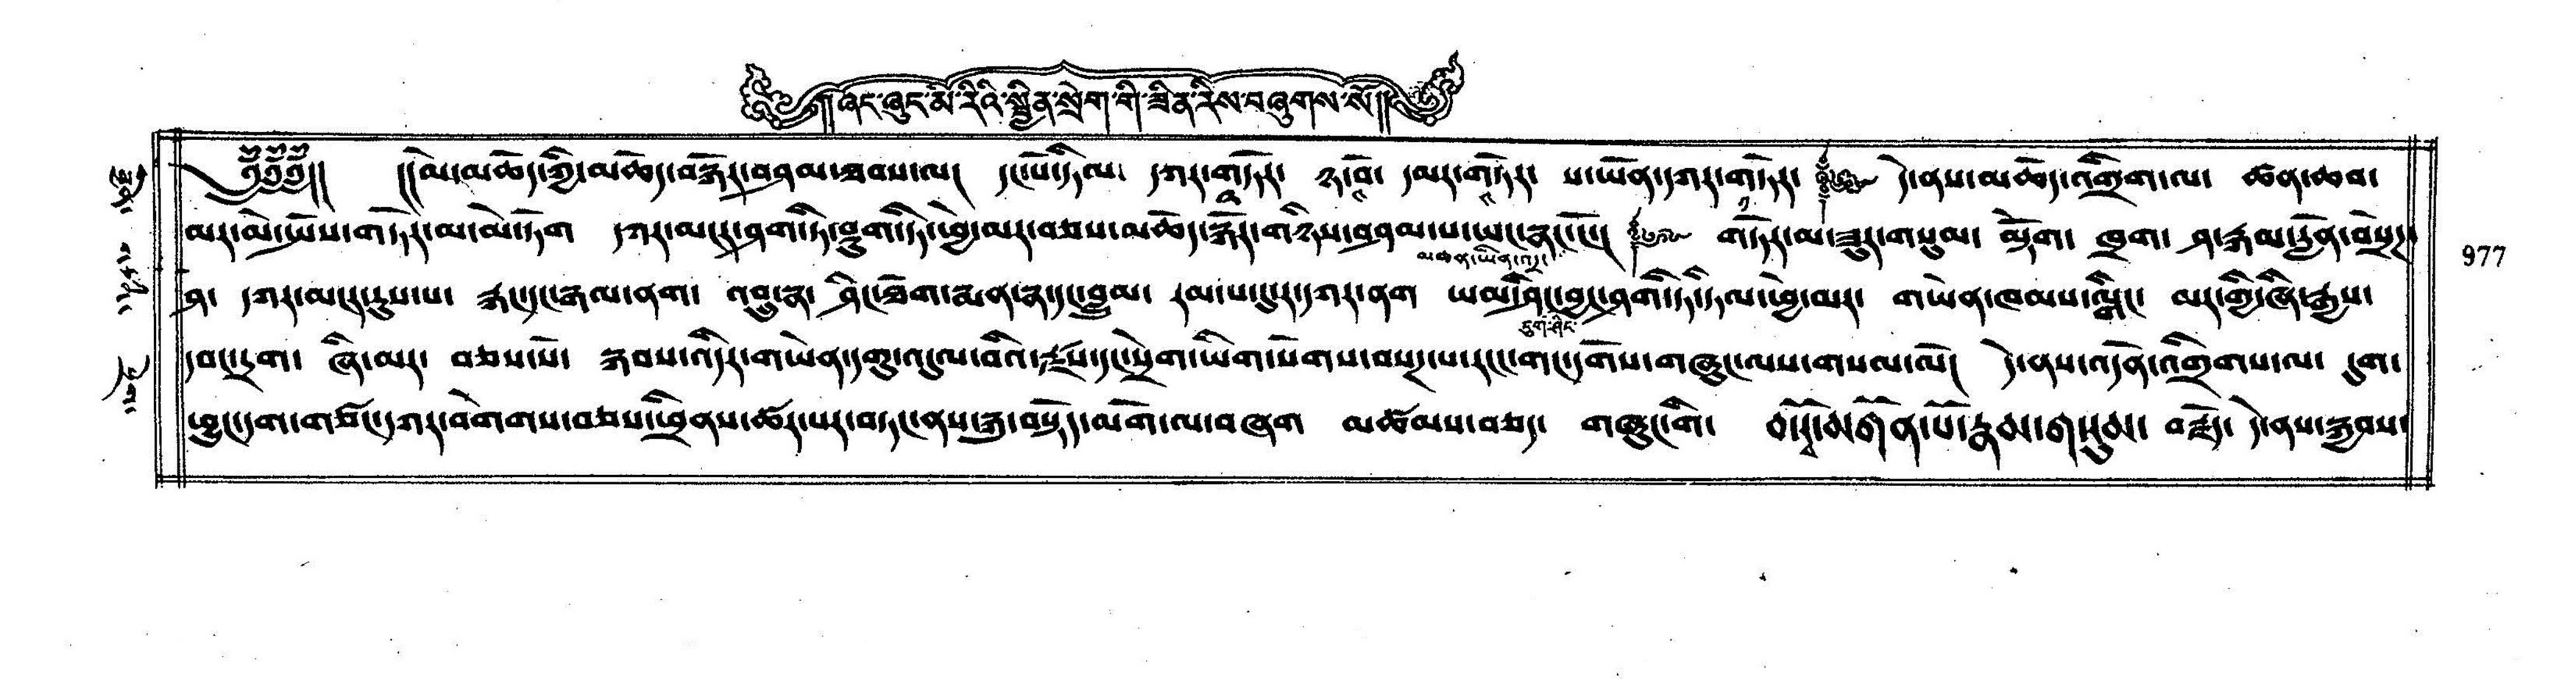།།ཞང་ཞུང་མེ་རིའི་སྦྱིན་སྲེག་གི་ཟིན་རིས་བཞུགས་སོ།། ༄༅༅།། །།མེ་མཆོད་ཀྱི་མཆོད་བསྐོར་བཤམ་ཐབས་ལ། དང་པོ་ཏིལ་དཀར་གཏོར་ཉ་བོ་དམར་གཏོར་ས་ཡོན་དཀར་གཏོར་དེ་ནས་མཆོད་འགྲིག་ལ་ཚན་ཆབ་
མར་མེ་སྤོས་གཏོར་མ་མེ་ཏོག དཀར་མངར་ཤག་ཏི་ཤུག་ཏི་ཕྱེ་མར་བཅས་མཆོད་སྐོར་གཉིས་བཤམ་པ་ཡང་སྣང་ངོ་།མཆན་ཡིན་འདྲ གཏོར་མ་ཟུར་གསུམ་མེ་ཏོག་ཁྲག་ཤ་རྐམ་རློན་བསྲེགས་
ཤ་དཀར་མངར་རུས་པ་རྐང་དང་སྒལ་ནག་འབྲུ་སྣ་ཤིང་ཐོག་སྨན་སྣ་དང་བླུམ་རམ་པ་དུ་ར་དཀར་ནག ཡམ་ཤིང་དུག་ཤིང་བྱང་ཤག་ཏི་ཏིལ་ཕྱེ་མར་གཡེན་ཁམས་ལྒིང་མར་གྱི་ཞི་རྒྱས་
དབང་དྲག་ཞི་མར་བཅས་སོ་སྐབས་འདིར་གཡེན་དགུ་འདུལ་བའི་རྫས་དང་སྲེག་ཡིག་སོགས་བསགས་པ་རང་རང་གང་དགོས་གཞུང་ལས་གསལ་ལོ། དེ་ནས་འདོན་འགྲིགས་ལ་དུག་
ཕྱུང་དག་གཙང་དཀར་བགེགས་བཅས་ཕྲིན་ལས་ཚང་པར་བཏང་ནས་སྐུ་བསྟོད་མགོ་ལ་བཞག་མཚམས་བཅད་གཞུང་གི་བསྭོ་མགོན་པོ་རྣམ་གསུམ་བརྗོད་དེ་ནས་སྐྱབས་